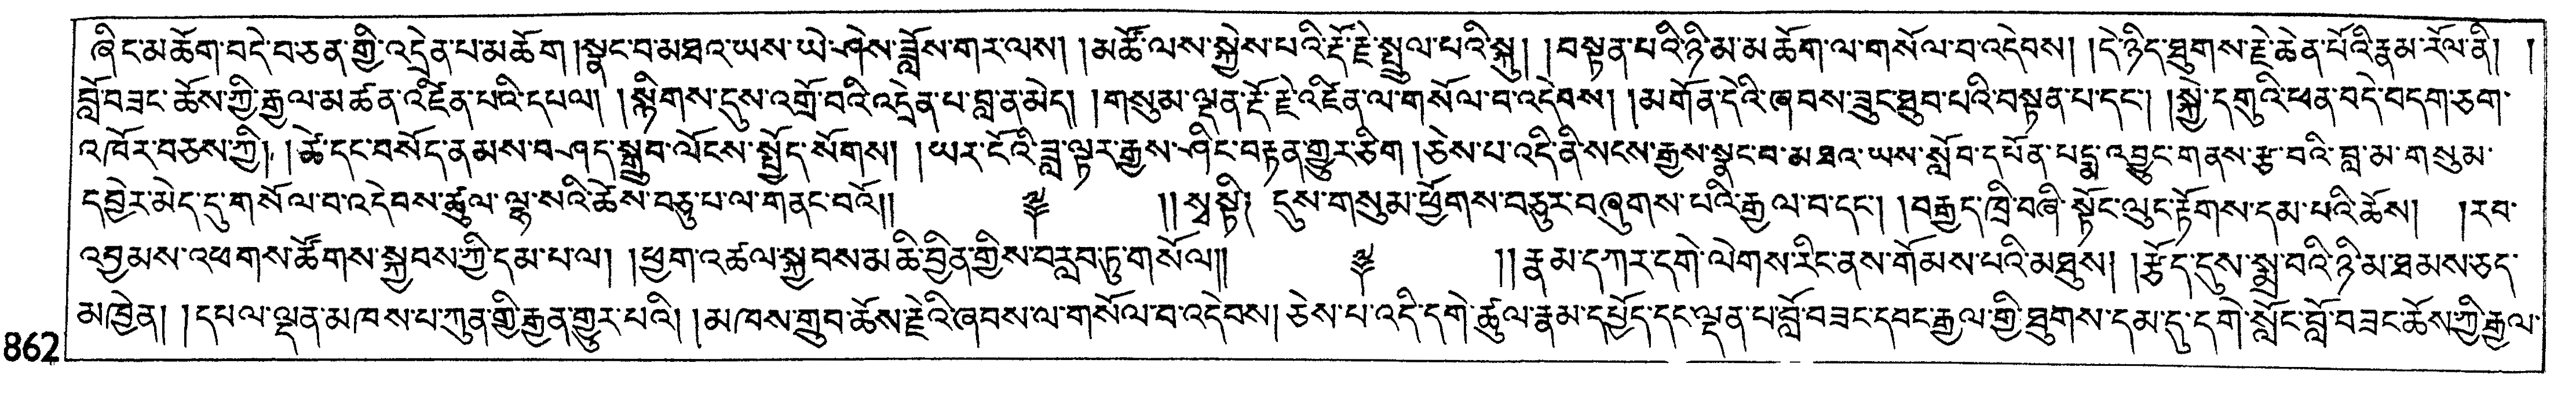ཞིང་མཆོག་བདེ་བ་ཅན་གྱི་འདྲེན་པ་མཆོག །སྣང་བ་མཐའ་ཡས་ཡེ་ཤེས་ཟློས་གར་ལས། །མཚོ་ལས་སྐྱེས་པའི་རྡོ་རྗེ་སྤྲུལ་པའི་སྐུ། །བསྟན་པའི་ཉི་མ་མཆོག་ལ་གསོལ་བ་འདེབས། །དེ་ཉིད་ཐུགས་རྗེ་ཆེན་པོའི་རྣམ་རོལ་ནི། །
བློ་བཟང་ཆོས་ཀྱི་རྒྱལ་མཚན་འཛིན་པའི་དཔལ། །སྙིགས་དུས་འགྲོ་བའི་འདྲེན་པ་བླ་ན་མེད། །གསུམ་ལྡན་རྡོ་རྗེ་འཛིན་ལ་གསོལ་བ་འདེབས། །མགོན་དེའི་ཞབས་ཟུང་ཐུབ་པའི་བསྟན་པ་དང་། །སྐྱེ་དགུའི་ཕན་བདེ་བདག་ཅག་
འཁོར་བཅས་ཀྱི། །ཚེ་དང་བསོད་ནམས་བཤད་སྒྲུབ་ལོངས་སྤྱོད་སོགས། །ཡར་ངོའི་ཟླ་ལྟར་རྒྱས་ཤིང་བརྟན་གྱུར་ཅིག །ཅེས་པ་འདི་ནི་སངས་རྒྱས་སྣང་བ་མཐའ་ཡས་སློབ་དཔོན་པདམ་འབྱུང་གནས་རྩ་བའི་བླ་མ་གསུམ་
དབྱེར་མེད་དུ་གསོལ་བ་འདེབས་ཚུལ་ལྷ་སའི་ཚེས་བཅུ་པ་ལ་གནང་བའོ།། ༈ །།སྭསྟི། དུས་གསུམ་ཕྱོགས་བཅུར་བཞུགས་པའི་རྒྱལ་བ་དང་། །བརྒྱད་ཁྲི་བཞི་སྟོང་ལུང་རྟོགས་དམ་པའི་ཆོས། །རབ་
འབྱམས་འཕགས་ཚོགས་སྐྱབས་ཀྱི་དམ་པ་ལ། །ཕྱག་འཚལ་སྐྱབས་མཆི་བྱིན་གྱིས་བརླབ་ཏུ་གསོལ།། ༈ །།རྣམ་དཀར་དགེ་ལེགས་རིང་ནས་གོམས་པའི་མཐུས། །རྩོད་དུས་སྨྲ་བའི་ཉི་མ་ཐམས་ཅད་
མཁྱེན། །དཔལ་ལྡན་མཁས་པ་ཀུན་གྱི་རྒྱན་གྱུར་པའི། །མཁས་གྲུབ་ཆོས་རྗེའི་ཞབས་ལ་གསོལ་བ་འདེབས། ཅེས་པ་འདི་དགེ་ཚུལ་རྣམ་དཔྱོད་དང་ལྡན་པ་བློ་བཟང་དབང་རྒྱལ་གྱི་ཐུགས་དམ་དུ་དགེ་སློང་བློ་བཟང་ཆོས་ཀྱི་རྒྱལ་